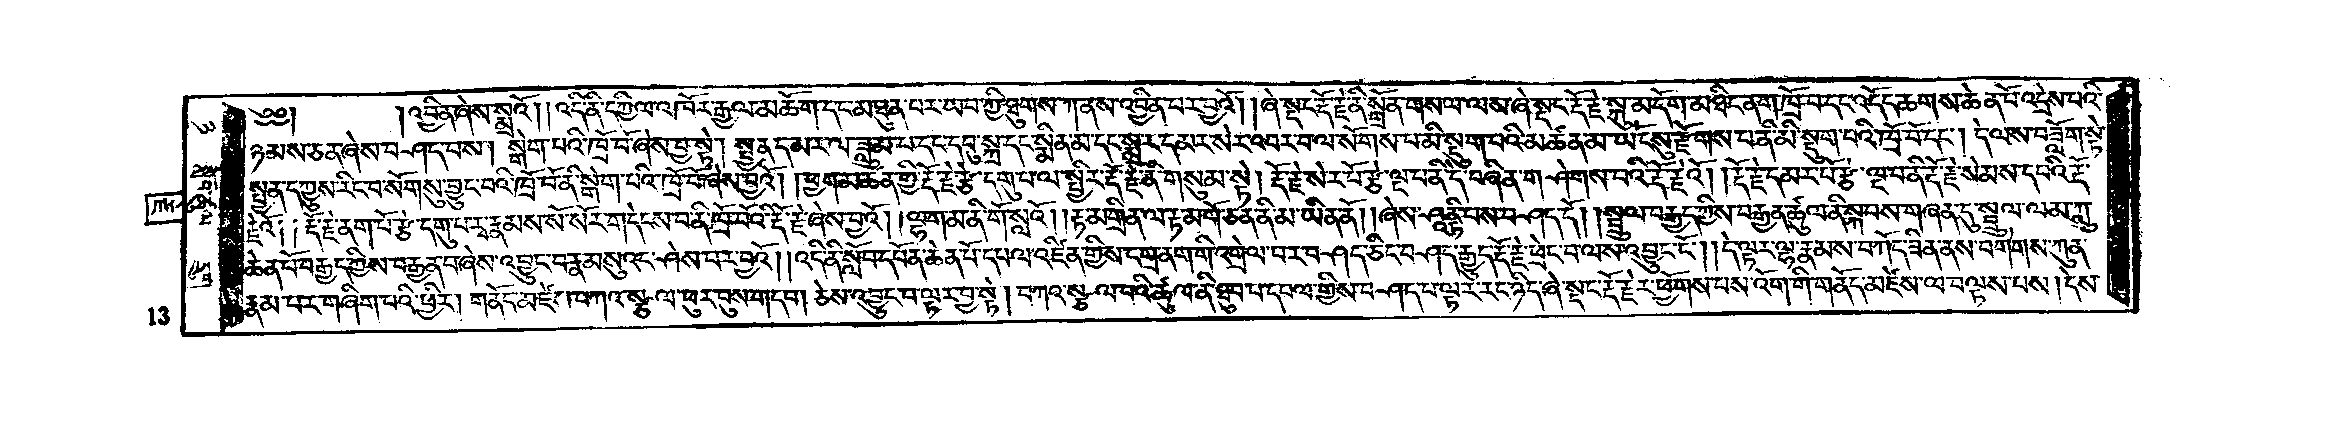༄༅། །འབྱིན་ཞེས་སྨྲའོ། །འདི་ནི་དཀྱིལ་འཁོར་རྒྱལ་མཆོག་དང་མཐུན་པར་ཡབ་ཀྱི་ཐུགས་ཀ་ནས་འབྱིན་པར་བྱའོ། །ཞེ་སྡང་རྡོ་རྗེ་ནི་སྒྲོན་གསལ་ལས་ཞེ་སྡང་རྡོ་རྗེ་སྐུ་མདོག་མཐིང་ནག་ཁྲོ་བ་དང་འདོད་ཆགས་ཆེན་པོ་འདྲེས་པའི་
ཉམས་ཅན་ཞེས་བཤད་པས། སྒེག་པའི་ཁྲོ་བོ་ཞེས་བྱ་སྟེ། སྤྱན་དམར་ལ་ཟླུམ་པ་དང་དབུ་སྐྲ་དང་སྨིན་མ་དང་སྨྲ་ར་དམར་སེར་འབར་བ་ལ་སོགས་པ་མི་སྡུག་པའི་མཚན་མ་ཡོངས་སུ་རྫོགས་པ་ནི་མི་སྡུག་པའི་ཁྲོ་བོ་དང་། དེ་ལས་བཟློག་སྟེ་
སྤྱན་དཀྱུས་རིང་བ་སོགས་སུ་བྱུང་བའི་ཁྲོ་བོ་ནི་སྒེག་པའི་ཁྲོ་བོ་ཞེས་བྱའོ། །ཕྱག་མཚན་གྱི་རྡོ་རྗེ་རྩེ་དགུ་པ་ལ་སྤྱིར་རྡོ་རྗེ་ནི་གསུམ་སྟེ། རྡོ་རྗེ་སེར་པོ་རྩེ་ལྔ་པ་ནི་དེ་བཞིན་གཤེགས་པའི་རྡོ་རྗེའོ། །རྡོ་རྗེ་དམར་པོ་རྩེ་ལྔ་པ་ནི་རྡོ་རྗེ་སེམས་དཔའི་རྡོ་
རྗེའོ། །རྡོ་རྗེ་ནག་པོ་རྩེ་དགུ་པ་རྭ་རྣམས་སོ་སོར་གདེངས་པ་ནི་ཁྲོ་བོའི་རྡོ་རྗེ་ཞེས་བྱའོ། །ལྷག་མ་ནི་གོ་སླའོ། །རྟ་མགྲིན་ལ་རྟ་མགོ་ཅན་ནི་མ་ཡིན་ནོ། །ཞེས་ཤཱནྟི་པས་བཤད་དོ། །སྦྲུལ་བརྒྱད་ཀྱིས་བརྒྱན་ཚུལ་ནི་སྐབས་གཞན་དུ་སྦྲུལ་ལམ་ཀླུ་
ཆེན་པོ་བརྒྱད་ཀྱིས་བརྒྱན་པ་ཞེས་འབྱུང་བ་རྣམས་སུའང་ཤེས་པར་བྱའོ། །འདི་ནི་སློབ་དཔོན་ཆེན་པོ་དཔལ་འཛིན་གྱིས་དགྲ་ནག་གི་འགྲེལ་པར་བཤད་ཅིང་བཤད་རྒྱུད་རྡོ་རྗེ་ཕྲེང་བ་ལས་འབྱུང་ངོ། །དེ་ལྟར་ལྷ་རྣམས་བཀོད་ཟིན་ནས་བགེགས་ཀུན་
རྣམ་པར་གཞིག་པའི་ཕྱིར། གནོད་མཛེས་བཀའ་སྩལ་ཕུར་བུས་གདབ། ཅེས་འབྱུང་བ་ལྟར་བྱ་སྟེ། བཀའ་སྩལ་བའི་ཚུལ་ནི་ཐུབ་པ་དཔལ་གྱིས་བཤད་པ་ལྟར་རང་ཉིད་ཞེ་སྡང་རྡོ་རྗེར་ཕྱོགས་པས་འོག་གི་གནོད་མཛེས་ལ་བལྟས་པས། དེས་